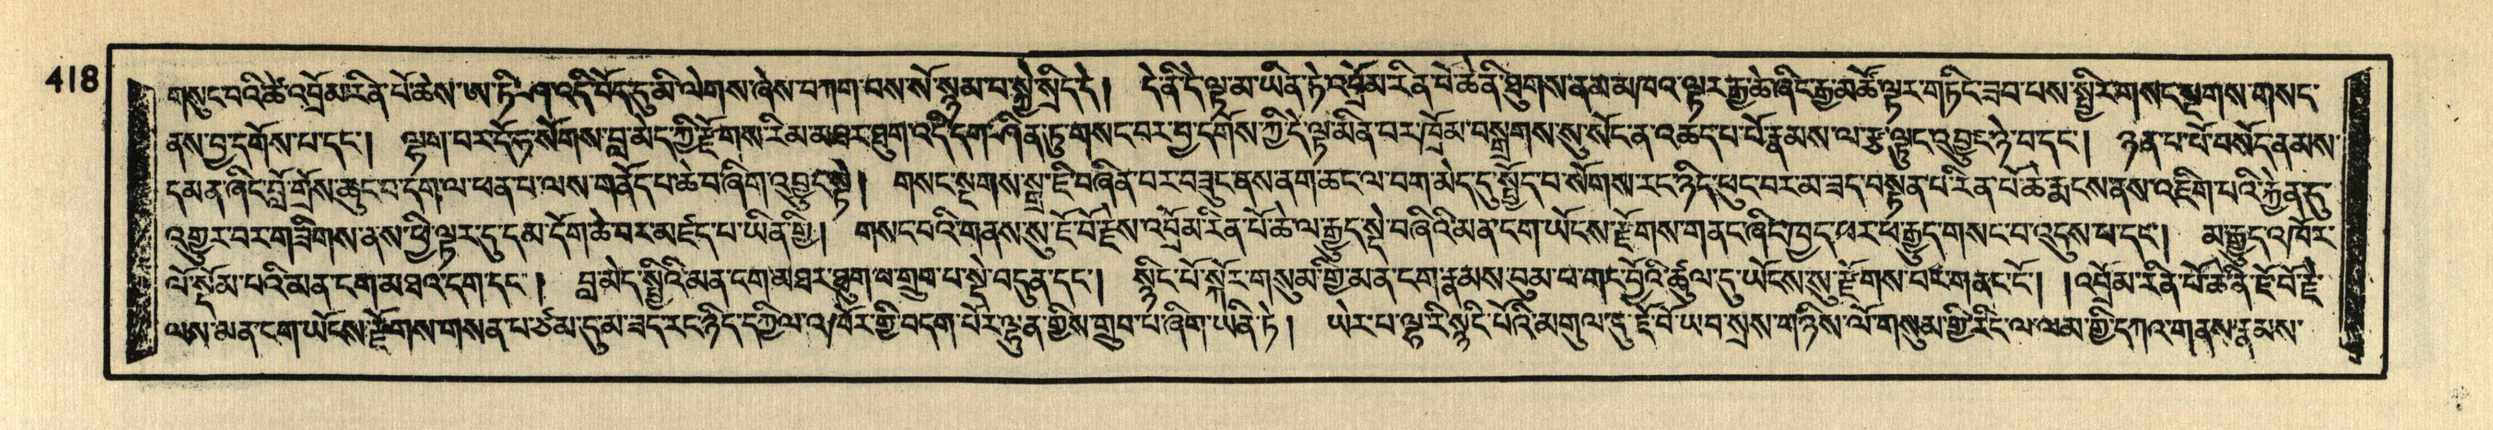གསུང་བའི་ཚེ་འབྲོམ་རིན་པོ་ཆེས་ཨ་ཏི་ཤ་འདི་བོད་དུ་མི་ལེགས་ཞེས་བཀག་བས་སོ་སྙམ་པ་སྐྱེ་སྲིད་དེ། དེ་ནི་དེ་ལྟ་མ་ཡིན་ཏེ་འབྲོམ་རིན་པོ་ཆེ་ནི་ཐུགས་ནམ་མཁའ་ལྟར་རྒྱ་ཆེ་ཞིང་རྒྱ་མཚོ་ལྟར་གཏིང་ཟབ་པས་སྤྱིར་གསང་སྔགས་གསང་
ནས་བྱ་དགོས་པ་དང་། ལྷག་པར་དོ་ཧ་སོགས་བླ་མེད་ཀྱི་རྫོགས་རིམ་མཐར་ཐུག་འདི་དག་ཤིན་ཏུ་གསང་བར་བྱ་དགོས་ཀྱི་དེ་ལྟ་མིན་བར་ཁྲོམ་བསྒྲགས་སུ་སོང་ན་འཆད་པ་པོ་རྣམས་ལ་རྩ་ལྟུང་འབྱུང་ཉེ་བ་དང་། ཉན་པ་པོ་བསོད་ནམས་
དམན་ཞིང་བློ་གྲོས་ཆུང་བ་དག་ལ་ཕན་པ་ལས་གནོད་པ་ཆེ་བ་ཞིག་འབྱུང་སྟེ། གསང་སྔགས་སྒྲ་ཇི་བཞིན་བར་བཟུང་ནས་ནག་ཆང་ལ་བག་མེད་དུ་སྤྱོད་བ་སོགས་རང་ཉིད་ཕུང་བར་མ་ཟད་བསྟན་པ་རིན་པོ་ཆེ་རྨངས་ནས་འཇིག་པའི་རྐྱེན་དུ་
འགྱུར་བར་གཟིགས་ནས་ཕྱི་ལྟར་དུ་དམ་དོག་ཆེ་བར་མཛད་པ་ཡིན་གྱི། གསང་བའི་གནས་སུ་ཇོ་བོ་རྗེས་འབྲོམ་རིན་པོ་ཆེ་ལ་རྒྱུད་སྡེ་བཞིའི་མན་ངག་ཡོངས་རྫོགས་གནང་ཞིང་ཁྱད་པར་ཕ་རྒྱུད་གསང་བ་འདུས་པ་དང་། མ་རྒྱུད་འཁོར་
ལོ་སྡོམ་པའི་མན་ངག་མཐའ་དག་དང་། བླ་མེད་སྤྱིའི་མན་ངག་མཐར་ཐུག་པ་གྲུབ་པ་སྡེ་བདུན་དང་། སྙིང་པོ་སྐོར་གསུམ་གྱི་མན་ངག་རྣམས་བུམ་ཕ་གང་བྱོའི་ཚུལ་དུ་ཡོངས་སུ་རྫོགས་པར་གནང་ངོ། །འབྲོམ་རིན་པོ་ཆེ་ནི་ཇོ་བོ་རྗེ་
ལས་མན་ངག་ཡོངས་རྫོགས་གསན་པ་ཙམ་དུ་མ་ཟད་རང་ཉིད་དཀྱིལ་འཁོར་གྱི་བདག་པོར་ལྷུན་གྱིས་གྲུབ་པ་ཞིག་ཡིན་ཏེ། ཡེར་པ་ལྷ་རི་སྙིང་པོའི་མགུལ་དུ་ཇོ་བོ་ཡབ་སྲས་གཉིས་ལོ་གསུམ་གྱི་རིང་ལ་ལམ་གྱི་དཀའ་གནས་རྣམས་